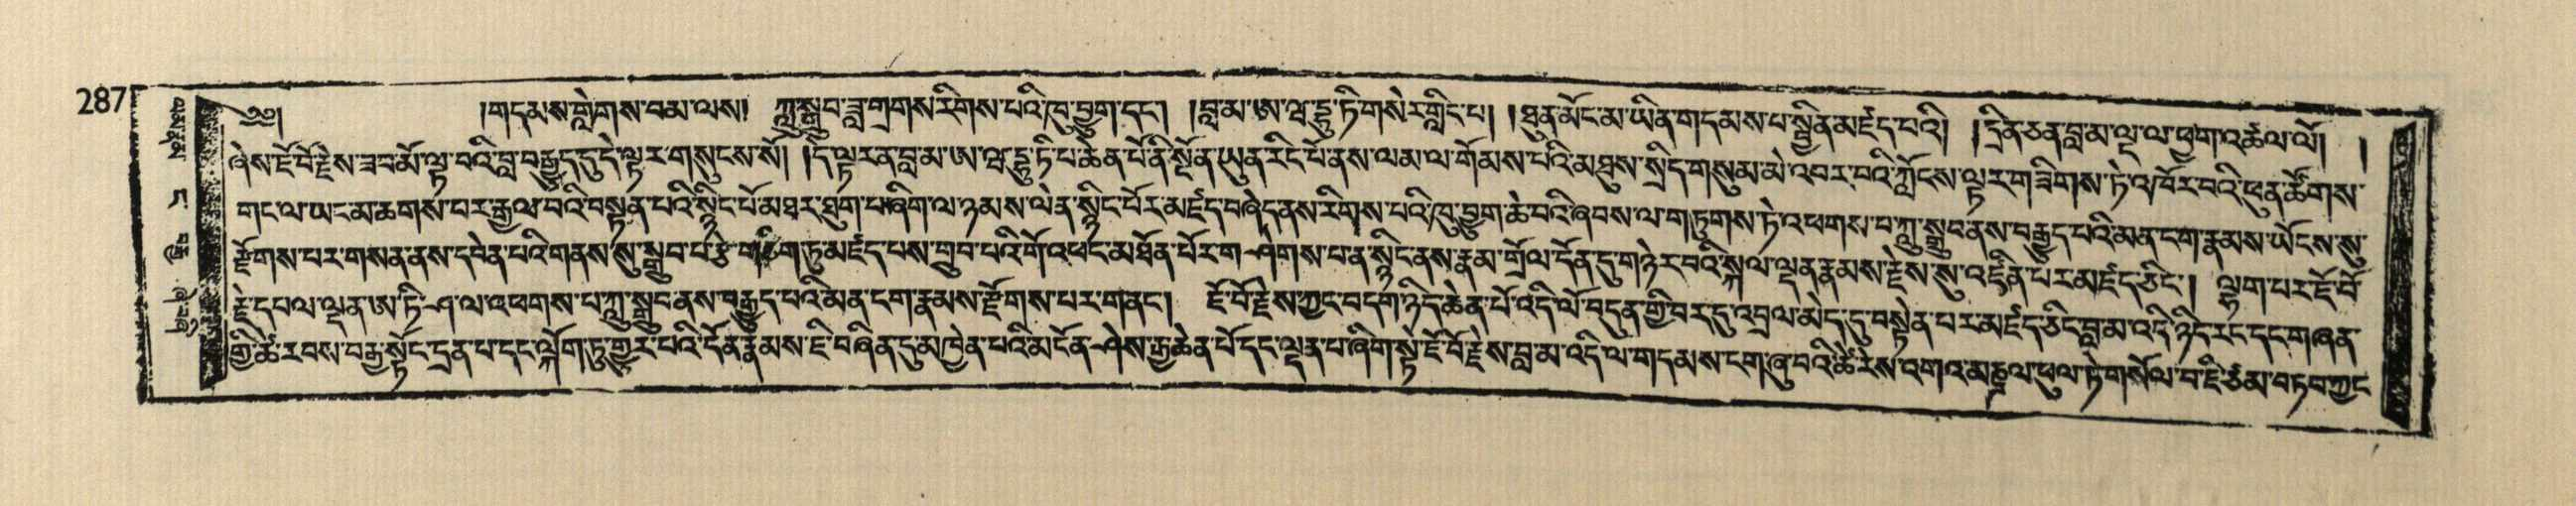༄༅། །གདམས་གླེགས་བམ་ལས། ཀླུ་སྒྲུབ་ཟླ་གྲགས་རིགས་པའི་ཁུ་བྱུག་དང་། །བླ་མ་ཨ་ཝ་དྷུ་ཏི་གསེར་གླིང་པ། །ཐུན་མོང་མ་ཡིན་གདམས་པ་སྦྱིན་མཛད་པའི། །དྲིན་ཅན་བླ་མ་ལྔ་ལ་ཕྱག་འཚལ་ལོ། །
ཞེས་ཇོ་བོ་རྗེས་ཟབ་མོ་ལྟ་བའི་བླ་བརྒྱུད་དུ་དེ་ལྟར་གསུངས་སོ། །དེ་ལྟར་ན་བླ་མ་ཨ་ཝ་དྷུ་ཏི་པ་ཆེན་པོ་ནི་སྔོན་ཡུན་རིང་པོ་ནས་ལམ་ལ་གོམས་པའི་མཐུས་སྲིད་གསུམ་མེ་འབར་བའི་ཀློངས་ལྟར་གཟིགས་ཏེ་འཁོར་བའི་ཕུན་ཚོགས་
གང་ལ་ཡང་མ་ཆགས་པར་རྒྱལ་བའི་བསྟན་པའི་སྙིང་པོ་མཐར་ཐུག་པ་ཞིག་ལ་ཉམས་ལེན་སྙིང་པོར་མཛད་བཞེད་ནས་རིགས་པའི་ཁུ་བྱུག་ཆེ་བའི་ཞབས་ལ་གཏུགས་ཏེ་འཕགས་པ་ཀླུ་སྒྲུབ་ནས་བརྒྱུད་པའི་མན་ངག་རྣམས་ཡོངས་སུ་
རྫོགས་པར་གསན་ནས་དབེན་པའི་གནས་སུ་སྒྲུབ་པ་རྩེ་གཅིག་ཏུ་མཛད་པས་གྲུབ་པའི་གོ་འཕང་མཐོན་པོར་གཤེགས་པ་ན་སྙིང་ནས་རྣམ་གྲོལ་དོན་དུ་གཉེར་བའི་སྐལ་ལྡན་རྣམས་རྗེས་སུ་འཛིན་པར་མཛད་ཅིང་། ལྷག་པར་ཇོ་བོ་
རྗེ་དཔལ་ལྡན་ཨ་ཏི་ཤ་ལ་འཕགས་པ་ཀླུ་སྒྲུབ་ནས་བརྒྱུད་པའི་མན་ངག་རྣམས་རྫོགས་པར་གནང་། ཇོ་བོ་རྗེས་ཀྱང་བདག་ཉིད་ཆེན་པོ་འདི་ལོ་བདུན་གྱི་བར་དུ་འབྲལ་མེད་དུ་བསྟེན་པར་མཛད་ཅིང་བླ་མ་འདི་ཉིད་རང་དང་གཞན་
གྱི་ཚེ་རབས་བརྒྱ་སྟོང་དྲན་པ་དང་ལྐོག་ཏུ་གྱུར་པའི་དོན་རྣམས་ཇི་བཞིན་དུ་མཁྱེན་པའི་མངོན་ཤེས་རྒྱ་ཆེན་པོ་དང་ལྡན་པ་ཞིག་སྟེ་ཇོ་བོ་རྗེས་བླ་མ་འདི་ལ་གདམས་ངག་ཞུ་བའི་ཚེ་རེས་འགའ་མཎྜལ་ཕུལ་ཏེ་གསོལ་བ་ཇི་ཙམ་བཏབ་ཀྱང་